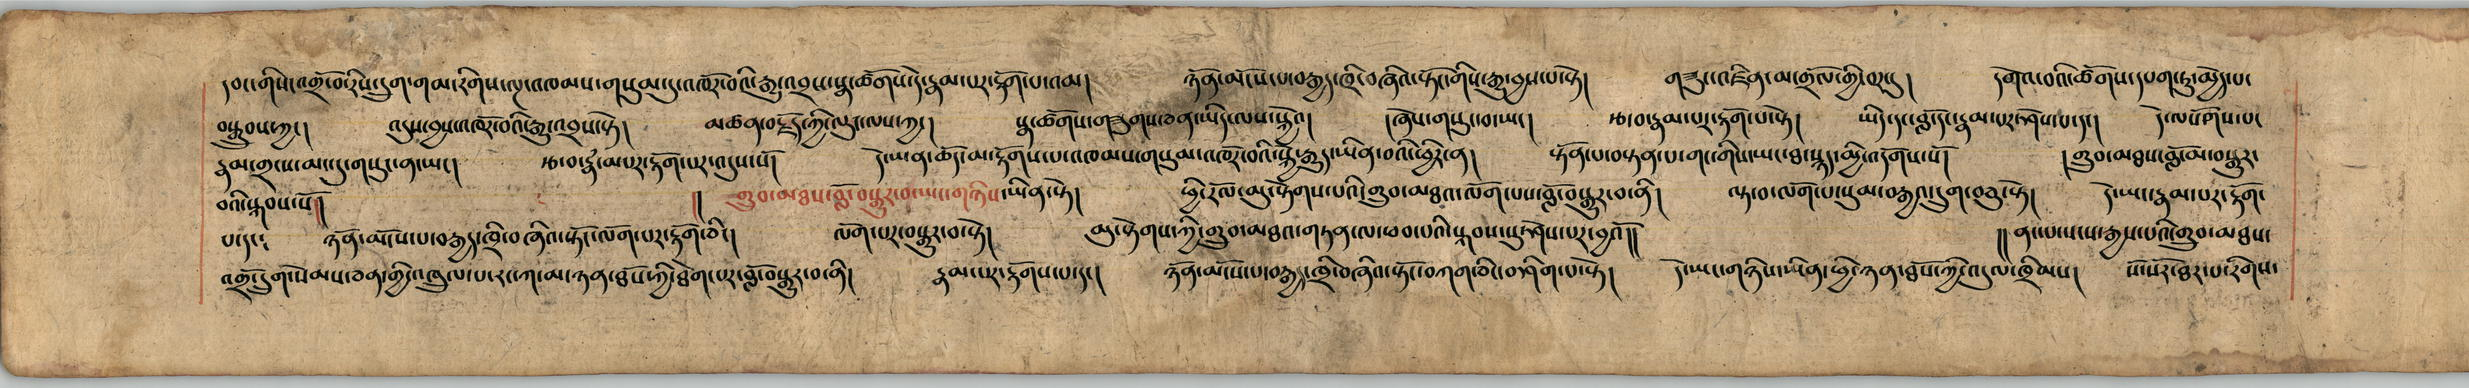དབང་གིས་འགྲོ་བ་རིས་དྲུག་གམ་རིགས་ལྔ་འཁམས་གསུམ་དུ་འཁོར་བའི་རྒྱུ་འབྲས་སྣ་ཚོགས་དེ་རྣམ་པར་རྟོག་པ་འམ། ཉོན་མོངས་པ་བརྒྱད་ཁྲི་བཞིའ་སྟོང་གིས་རྒྱུ་བྱས་པ་སྟེ། གཟུང་འཛིན་མ་གྲོལ་གྱི་བར་དུ། དགེའ་བའི་ཚོགས་དཔག་ཏུ་མྱེད་པ་
བསྒྲུབས་ཀྱང། འདུས་བྱས་འཁོར་བའི་རྒྱུ་འབྲས་སྟེ། མཚན་བརྗོད་ཀྱི་ལུང་ལས་ཀྱང། སྣ་ཚོགས་གཟུགས་ཅན་ཡིད་ལས་སྐྱེའ། །ཞེས་གསུང་བ་ཡང། རྩ་བ་རྣམ་པར་རྟོག་པ་སྟེ། ཡིད་དང་བློ་དང་རྣམ་པར་ཤེས་པ་དང། དེ་ལསོགས་པ་
རྣམ་གྲངས་མང་དུ་གསུང་ན་ཡང། རྩ་བ་རྣམ་པར་རྟོག་པར་འདུས་སོ། དེ་ཡན་ཆོད་མ་རྟོགས་པ་འཁམས་གསུམ་འཁོར་བའི་རྒྱུད་ཡིན་བའི་ཕྱིར་ན། སྟོན་པ་བསྟན་པ་གང་གིས་ཡང་ཐ་སྙད་མྱི་འདོགས་སོ། །གྲུབ་མཐས་བློ་མ་བསྒྱུར་
བའི་སྐབས་སོ།། །། གྲུབ་མཐས་བློ་བསྒྱུར་བ་ཡང་གཉིས་ཡིན་སྟེ། ཕྱི་རོལ་མུ་སྟེགས་པའི་གྲུབ་མཐའ་ལོག་པས་བློ་བསྒྱུར་བ་ནི། ལྟ་བ་ལོག་པ་སུམ་བརྒྱའ་དྲུག་བཅུ་སྟེ། དེ་ཡང་རྣམ་པར་རྟོག་
པ་དང༴ ཉོན་མོངས་པ་བརྒྱད་ཁྲི་བཞིའ་སྟོང་ལོག་པར་རྟོག་ཅིང། ལོག་པར་བསྒྱུར་བ་སྟེ། མུ་སྟེགས་ཀྱི་གྲུབ་མཐའ་གཏན་ལ་ཕབ་པའི་སྐབས་སུ་ཤེས་པར་བྱའོ།། །།ནང་པ་སངས་རྒྱས་པའི་གྲུབ་མཐས་
འགྲོ་དྲུག་སེམས་ཅན་གྱི་འཁྲུལ་པ་རང་ཀ་མ་ཉན་ཐོས་ཀྱི་ཐེག་པར་བློ་བསྒྱུར་བ་ནི། རྣམ་པར་རྟོགས་པ་དང། ཉོན་མོངས་པ་བརྒྱད་ཁྲི་བཞིའ་སྟོང་བཀག་ཅིང་བཤིག་པ་སྟེ། དེ་ཡང་གཉིས་ཡིན་པྱི་ཉན་ཐོས་ཀྱི་འདུལ་ཁྲིམས། སོ་སོར་ཐར་པ་རིགས་